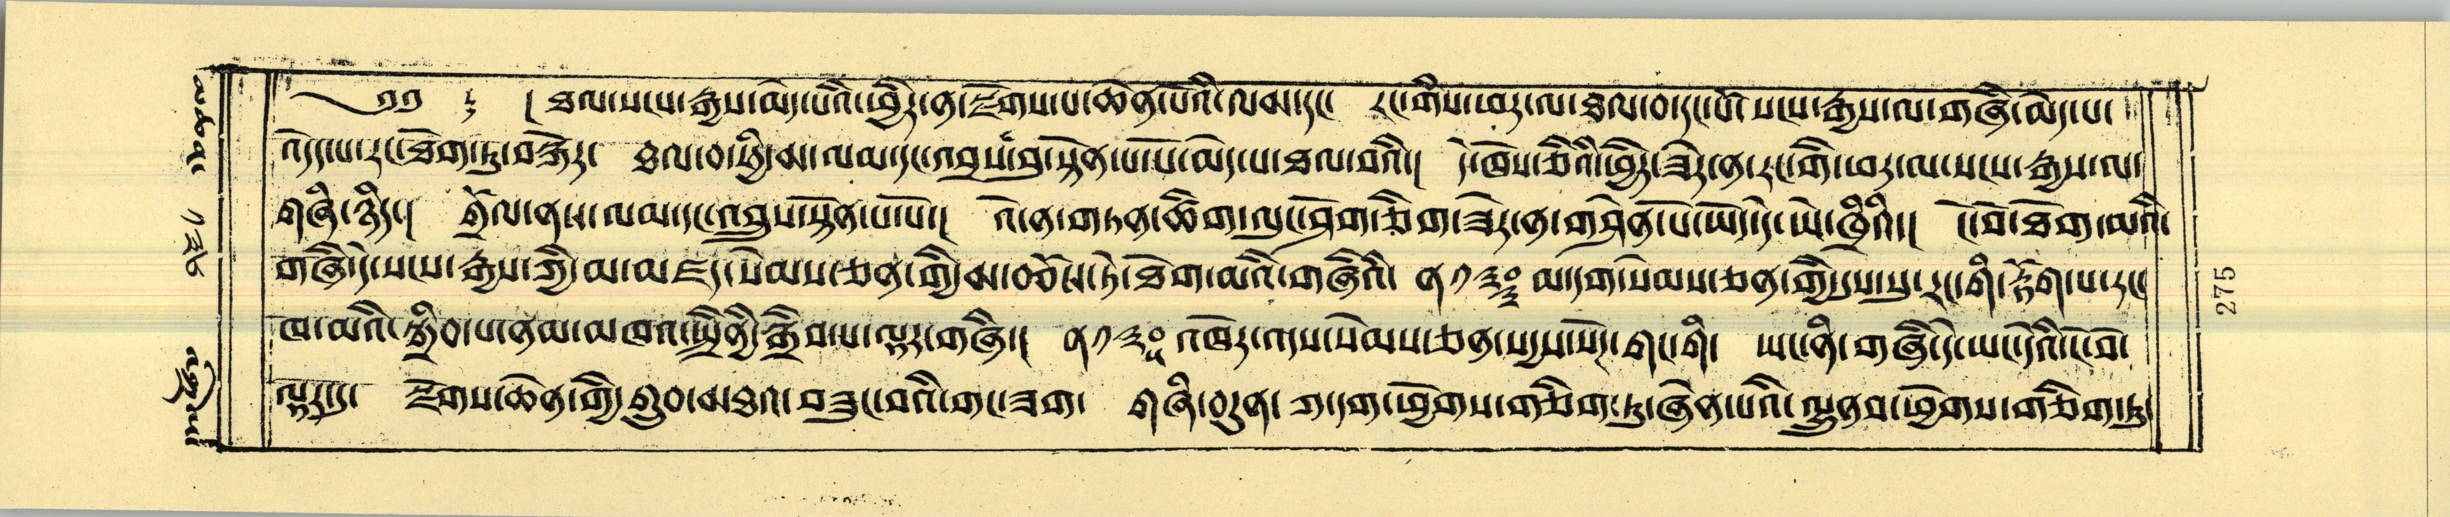ཐལ་སངས་རྒྱས་མེད་པའི་ཕྱིར་ན་སྫོགས་པ་ཆེན་པོའི་ ༼ལམ་དང།༽རང་གིས་ཕར་ལ་ ༼ཐལ་བ་དང་པོ་༽སངས་རྒྱས་ལ་གཞི་མེད་པ་
འདོད་པ་རང་ཐོག་ཏུ་བསྐོར། ༼ཐལ་བ་ཕྱི་མ་༽ལམ་དང་འབྲས་བུ་སྟོན་པ་པོ་མེད་པ་ཐལ་བའི། དེ་ཁོས་ཅིའི་ཕྱིར་ཟེར་ན་རང་གི་ཕར་ལ་སངས་རྒྱས་ལ་ 
༼གཞི་ཉིད་༽ ༼གྲོལ་ནས་༽ལམ་དང་འབྲས་བུ་སྟོན་པ་པོ། འོ་ན་གཏན་ཚིག་ལུང་ཤོག་ཅིག་ཟེར་ན་གཤེན་པོ་ཡོད་དེ་ ༼ཡེ་ཁྲིའི་༽ངོ་བོ་ཐོག་མའི་
གཞི་དེ་སངས་རྒྱས་ཀྱི་མ་མཛད་སེམས་ཅན་གྱི་ ༼མ་བཅོས་ཏེ་༽ཐོག་མའི་གཞིའི་ན༡༣༠།༣ མ་དག་སེམས་ཅན་གྱི་དུས་སུ་ ༼རང་གི་རྟོག་༽པ་རང་
ཁ་མའི་ ༼སྒྲིབ་༽པ་ནམ་མཁའ་སྤྲིན་གྱི་སྒྲིབ་པ་ལྟར་གཞི། ན༡༣༠།༥ འཁོར་འདས་སེམས་ཅན་སངས་རྒྱས་སོགས་ ༼གང་གི་༽ཡང་ནི་གཞི་དེ་ཡང་དེའི་ངོ་བོ་
ལྟར་དུ། སྫོགས་ཆེན་གྱི་ ༼གྲུབ་མཐའ་༽བཟུང་བའི་གང་ཟག ༼གཞི་བདུན་༽ཀ་དག་ཕྱོགས་གཅིག་ཏུ་ཞེན་པའི་ལྷུན་གྲུབ་ཕྱོགས་གཅིག་ཏུ་